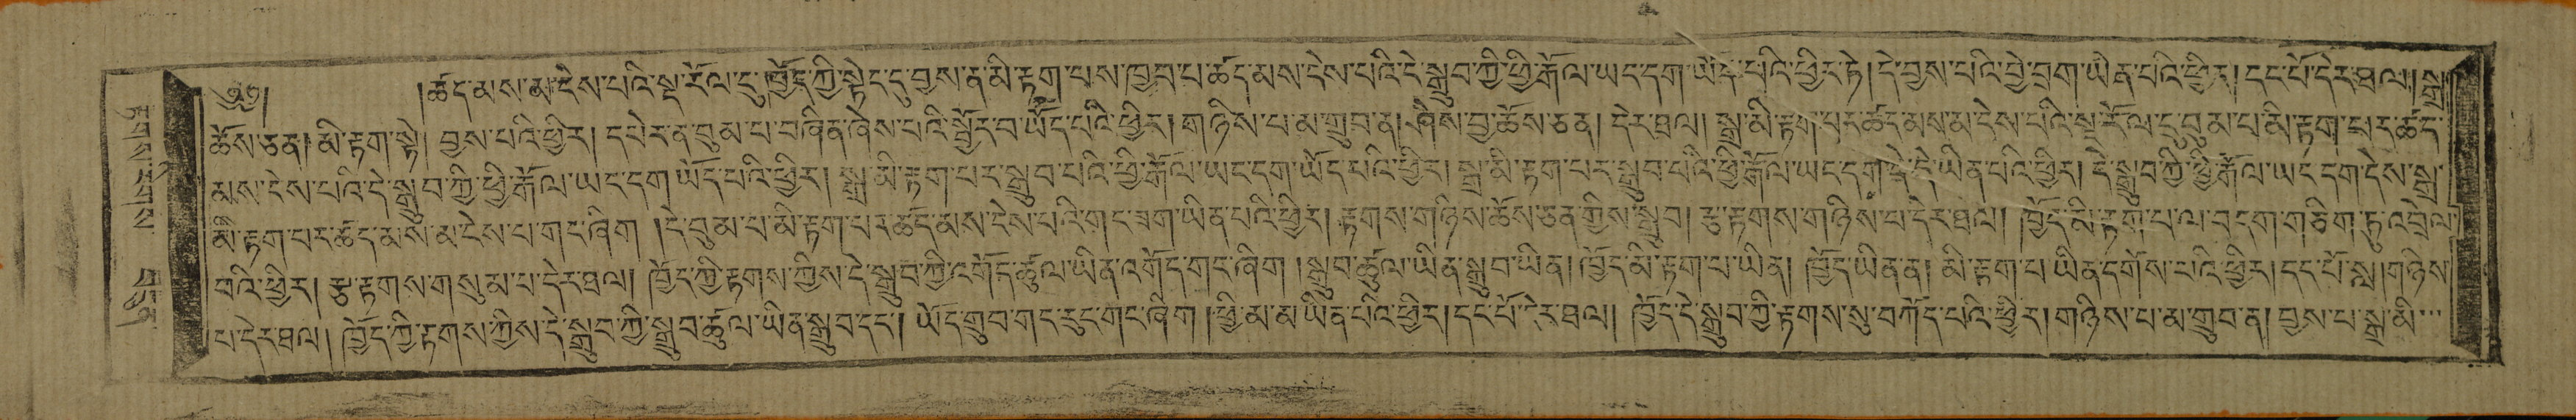༄༅། །ཚད་མས་མ་ངེས་པའི་སྔ་རོལ་དུ་ཁྱོད་ཀྱི་སྟེང་དུ་བྱས་ན་མི་རྟག་པས་ཁྱབ་པ་ཚད་མས་ངེས་པའི་དེ་སྒྲུབ་ཀྱི་ཕྱི་རྒོལ་ཡང་དག་ཡོད་པའི་ཕྱིར་ཏེ། དེ་བྱས་པའི་བྱེ་བྲག་ཡིན་པའི་ཕྱིར། དང་པོ་དེར་ཐལ། སྒྲ་
ཆོས་ཅན། མི་རྟག་སྟེ། བྱས་པའི་ཕྱིར། དཔེར་ན་བུམ་པ་བཞིན་ཞེས་པའི་སྦྱོར་བ་ཡོད་པའི་ཕྱིར། གཉིས་པ་མ་གྲུབ་ན། ཤེས་བྱ་ཆོས་ཅན། དེར་ཐལ། སྒྲ་མི་རྟག་པར་ཚད་མས་མ་ངེས་པའི་སྔ་རོལ་དུ་བུམ་པ་མི་རྟག་པར་ཚད་
མས་ངེས་པའི་དེ་སྒྲུབ་ཀྱི་ཕྱི་རྒོལ་ཡང་དག་ཡོད་པའི་ཕྱིར། སྒྲ་མི་རྟག་པར་སྒྲུབ་པའི་ཕྱི་རྒོལ་ཡང་དག་ཡོད་པའི་ཕྱིར། སྒྲ་མི་རྟག་པར་སྒྲུབ་པའི་ཕྱི་རྒོལ་ཡང་དག་དེ་དེ་ཡིན་པའི་ཕྱིར། དེ་སྒྲུབ་ཀྱི་ཕྱི་རྒོལ་ཡང་དག་དེས་སྒྲ་
མི་རྟག་པར་ཚད་མས་མ་ངེས་པ་གང་ཞིག །དེ་བུམ་པ་མི་རྟག་པར་ཚད་མས་ངེས་པའི་གང་ཟག་ཡིན་པའི་ཕྱིར། རྟགས་གཉིས་ཆོས་ཅན་གྱིས་སྒྲུབ། རྩ་རྟགས་གཉིས་པ་དེར་ཐལ། ཁྱོད་མི་རྟག་པ་ལ་བདག་གཅིག་ཏུ་འབྲེལ་
བའི་ཕྱིར། རྩ་རྟགས་གསུམ་པ་དེར་ཐལ། ཁྱོད་ཀྱི་རྟགས་ཀྱིས་དེ་སྒྲུབ་ཀྱི་འགོད་ཚུལ་ཡིན་འགོད་གང་ཞིག །སྒྲུབ་ཚུལ་ཡིན་སྒྲུབ་ཡིན། ཁྱོད་མི་རྟག་པ་ཡིན། ཁྱོད་ཡིན་ན། མི་རྟག་པ་ཡིན་དགོས་པའི་ཕྱིར། དང་པོ་སླ། གཉིས་
པ་དེར་ཐལ། ཁྱོད་ཀྱི་རྟགས་ཀྱིས་དེ་སྒྲུབ་ཀྱི་སྒྲུབ་ཚུལ་ཡིན་སྒྲུབ་དང་། ཡོད་གྲུབ་གང་རུང་གང་ཞིག །ཕྱི་མ་མ་ཡིན་པའི་ཕྱིར། དང་པོ་དེར་ཐལ། ཁྱོད་དེ་སྒྲུབ་ཀྱི་རྟགས་སུ་བཀོད་པའི་ཕྱིར། གཉིས་པ་མ་གྲུབ་ན། བྱས་པ་སྒྲ་མི་